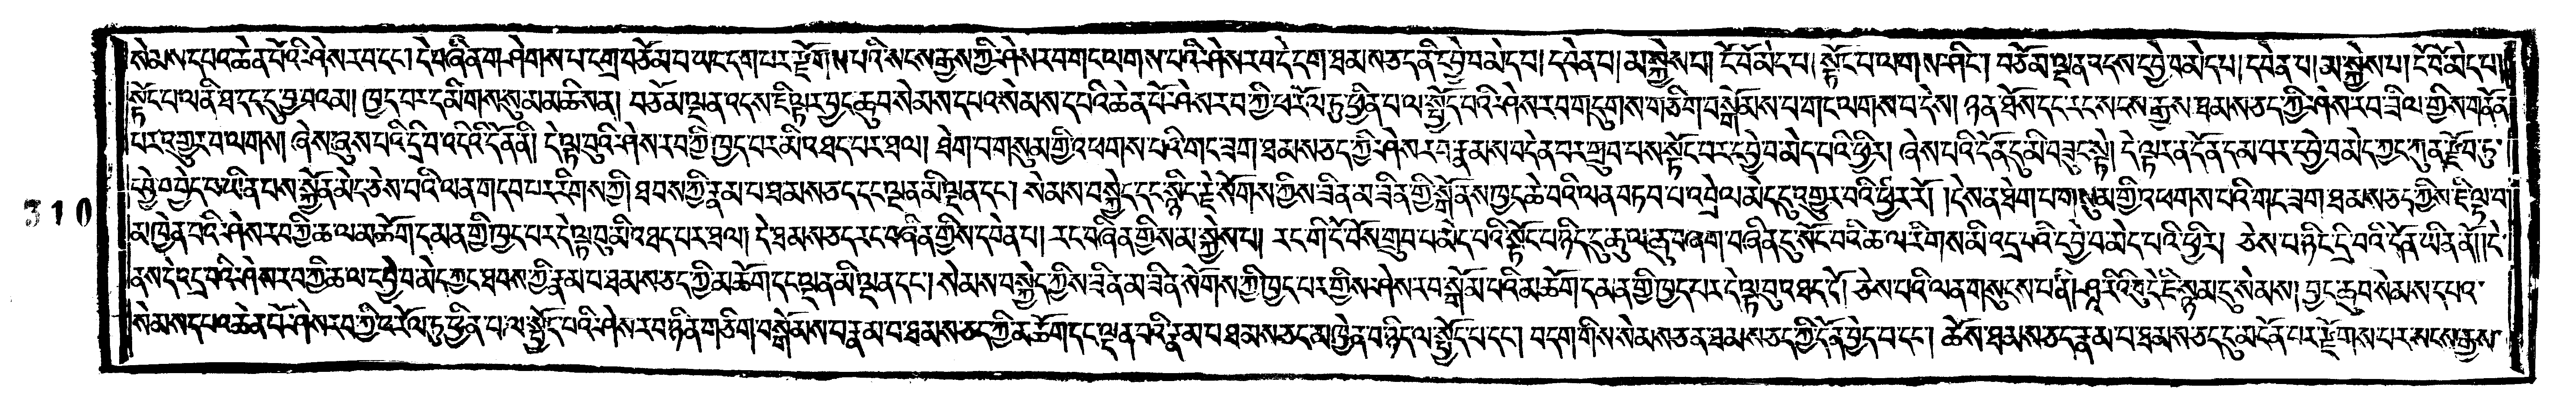སེམས་དཔའ་ཆེན་པོའི་ཤེས་རབ་དང་། དེ་བཞིན་གཤེགས་པ་དགྲ་བཅོམ་པ་ཡང་དག་པར་རྫོགས་པའི་སངས་རྒྱས་ཀྱི་ཤེས་རབ་གང་ལགས་པའི་ཤེས་རབ་དེ་དག་ཐམས་ཅད་ནི་དབྱེ་བ་མེད་པ། དབེན་པ། མ་སྐྱེས་བ། ངོ་བོ་མེད་པ། སྟོང་པ་ལགས་ཤིང་། བཅོམ་ལྡན་འདས་དབྱེ་བ་མེད་པ། དབེན་གམ་སྐྱེས་བ། ངོ་བོ་མེད་པ།
སྟོང་པ་ལ་ནི་ཐ་དད་དུ་བྱ་བའམ། ཁྱད་པར་དམིགས་སུ་མ་མཆིས་ན། བཅོམ་ལྡན་འདས་ཇི་ལྟར་བྱང་ཆུབ་སེམས་དཔའ་སེམས་དཔའ་ཆེན་པོ་ཤེས་རབ་ཀྱི་ཕ་རོལ་ཏུ་ཕྱིན་པ་ལ་སྤྱོད་པའི་ཤེས་རབ་གདུགས་གཅིག་བསྒོམས་པ་གང་ལགས་པ་དེས། ཉན་ཐོས་དང་རང་སངས་རྒྱས་ཐམས་ཅད་ཀྱི་ཤེས་རབ་ཟིལ་གྱིས་གནོན་
བར་འགྱུར་བ་ལགས། ཞེས་ཞུས་པའི་དྲི་བ་འདིའི་དོན་ནི། དེ་ལྟ་བུའི་ཤེས་རབ་ཀྱི་ཁྱད་པར་མི་འཐད་པར་ཐལ། ཐེག་པ་གསུམ་གྱི་འཕགས་པ་གང་ཟག་ཐམས་ཅད་ཀྱི་ཤེས་རབ་རྣམས་བདེན་པར་གྲུབ་པས་སྟོང་པར་དབྱེ་བ་མེད་པའི་ཕྱིར། ཞེས་པའི་དོན་དུ་མི་བཟུང་སྟེ། དེ་ལྟར་ན་དོན་དམ་པར་དབྱེ་བ་མེད་ཀྱང་ཀུན་རྫོབ་ཏུ་
དབྱེ་བ་བྱེད་པ་ཡིན་པས་སྐྱོན་མེད་ཅེས་པའི་ལན་གདབ་པར་རིགས་ཀྱི། ཐབས་ཀྱི་རྣམ་པ་ཐམས་ཅད་དང་ལྡན་མི་ལྡན་དང་། སེམས་བསྐྱེད་དང་སྙིང་རྗེ་སོགས་ཀྱིས་ཟིན་མ་ཟིན་གྱི་སྒོ་ནས་ཁྱད་ཆེ་བའི་ལན་བཏབ་པ་འབྲེལ་མེད་དུ་འགྱུར་བའི་ཕྱིར་རོ། །དེས་ན་ཐེག་པ་གསུམ་གྱི་འཕགས་པའི་གང་ཟག་ཐམས་ཅད་ཀྱིས་ཇི་ལྟ་བ་
མཁྱེན་པའི་ཤེས་རབ་ཀྱི་ཆ་ལ་མཆོག་དམན་གྱི་ཁྱད་པར་དེ་ལྟ་བུ་མི་འཐད་པར་ཐལ། དེ་ཐམས་ཅད་རང་བཞིན་གྱིས་དབེན་པ། རང་བཞིན་གྱིས་མ་སྐྱེས་པ། རང་གི་ངོ་བོས་གྲུབ་པ་མེད་པའི་སྟོང་པ་ཉིད་དུ་ཆུ་ལ་ཆུ་བཞག་བཞིན་དུ་སོང་བའི་ཆ་ལ་རིགས་མི་འདྲ་བའི་དབྱེ་བ་མེད་པའི་ཕྱིར། ཅེས་བ་ཉིད་དྲི་བའི་དོན་ཡིན་ནོ། །དེ་
ནས་དེ་འདྲ་བའི་ཤེས་རབ་ཀྱི་ཆ་ལ་དབྱེ་བ་མེད་ཀྱང་ཐབས་ཀྱི་རྣམ་པ་ཐམས་ཅད་ཀྱི་མཆོག་དང་ལྡན་མི་ལྡན་དང་། སེམས་བསྐྱེད་ཀྱིས་ཟིན་མ་ཟིན་སོགས་ཀྱི་ཁྱད་པར་གྱིས་ཤེས་རབ་སྒོམ་པའི་མཆོག་དམན་གྱི་ཁྱད་པར་དེ་ལྟ་བུ་འཐད་དོ། ཅེས་པའི་ལན་གསུངས་པ་ནི། ཤཱ་རིའི་བུ་དེ་ཇི་སྙམ་དུ་སེམས། བྱང་ཆུབ་སེམས་དཔའ་
སེམས་དཔའ་ཆེན་པོ་ཤེས་རབ་ཀྱི་ཕ་རོལ་ཏུ་ཕྱིན་པ་ལ་སྤྱོད་པའི་ཤེས་རབ་ཉིན་གཅིག་བསྒོམས་པ་རྣམ་པ་ཐམས་ཅད་ཀྱི་མཆོག་དང་ལྡན་པའི་རྣམ་པ་ཐམས་ཅད་མཁྱེན་པ་ཉིད་ལ་སྤྱོད་པ་དང་། བདག་གིས་སེམས་ཅན་ཐམས་ཅད་ཀྱི་དོན་བྱེད་པ་དང་། ཆོས་ཐམས་ཅད་རྣམ་པ་ཐམས་ཅད་དུ་མངོན་པར་རྫོགས་པར་སངས་རྒྱས་